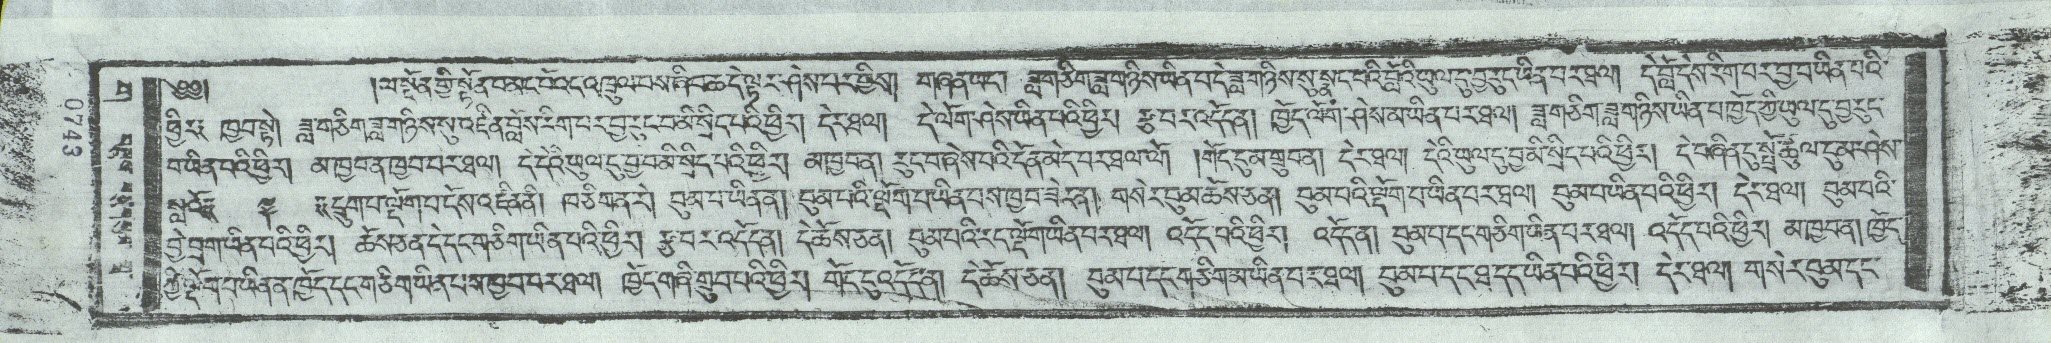༄༅། །ལ་སྔོན་གྱི་སྟོན་བ་མང་པོའང་འཁྲུལ་བས་ཞིབ་ཆ་དེ་ལྟར་ཤེས་པར་གྱིས། གཞན་ཡང་། ཟླ་གཅིག་ཟླ་གཉིས་ཡིན་བ་དེ་ཟླ་གཉིས་སུ་སྣང་བའི་བློའི་ཡུལ་དུ་བྱ་རུང་ཡིན་པར་ཐལ། དེ་བློ་དེས་རིག་པར་བྱ་བ་ཡིན་པའི་
ཕྱིར༑ ཁྱབ་སྟེ། ཟླ་གཅིག་ཟླ་གཉིས་སུ་འཛིན་བློས་རིག་པར་བྱ་རུང་བ་མི་སྲིད་པའི་ཕྱིར། དེར་ཐལ། དེ་ལོག་ཤེས་ཡིན་པའི་ཕྱིར། རྩ་བར་འདོད་ན། ཁྱོད་ལོག་ཤེས་མ་ཡིན་པར་ཐལ། ཟླ་གཅིག་ཟླ་གཉིས་ཡིན་པ་ཁྱོད་ཀྱི་ཡུལ་དུ་བྱ་རུང་
བ་ཡིན་པའི་ཕྱིར། མ་ཁྱབ་ན་ཁྱབ་པར་ཐལ། དེ་དེའི་ཡུལ་དུ་བྱ་བ་མི་སྲིད་པའི་ཕྱིར། མ་ཁྱབ་ན། རུང་བ་ཞེས་པའི་དོན་མེད་པར་ཐལ་ལོ། །གོང་དུ་མ་གྲུབ་ན། དེར་ཐལ། དེའི་ཡུལ་དུ་བྱ་མི་སྲིད་པའི་ཕྱིར། དེ་བཞིན་དུ་སྤྲོ་ཚུལ་དུ་མ་ཤེས་
སླའོ༑ ༈ ༑དྲུག་པ་ལྡོག་པ་ངོས་འཛིན་ནི། ཁ་ཅིག་ན་རེ། བུམ་པ་ཡིན་ན། བུམ་པའི་ལྡོག་པ་ཡིན་པས་ཁྱབ་ཟེར་ན། གསེར་བུམ་ཆོས་ཅན། བུམ་པའི་ལྡོག་པ་ཡིན་པར་ཐལ། བུམ་པ་ཡིན་པའི་ཕྱིར། དེར་ཐལ། བུམ་པའི་
བྱེ་བྲག་ཡིན་པའི་ཕྱིར། ཆོས་ཅན་དེ་དང་གཅིག་ཡིན་པའི་ཕྱིར། རྩ་བར་འདོད་ན། དེ་ཆོས་ཅན། བུམ་པའི་རང་ལྡོག་ཡིན་པར་ཐལ། འདོད་པའི་ཕྱིར། འདོད་ན། བུམ་པ་དང་གཅིག་ཡིན་པར་ཐལ། འདོད་པའི་ཕྱིར། མ་ཁྱབ་ན། ཁྱོད་
ཀྱི་ལྡོག་པ་ཡིན་ན་ཁྱོད་དང་གཅིག་ཡིན་པས་ཁྱབ་པར་ཐལ། ཁྱོད་གཞི་གྲུབ་པའི་ཕྱིར། གོང་དུ་འདོད་ན། དེ་ཆོས་ཅན། བུམ་པ་དང་གཅིག་མ་ཡིན་པར་ཐལ། བུམ་པ་དང་ཐ་དད་ཡིན་པའི་ཕྱིར། དེར་ཐལ། གསེར་བུམ་དང་